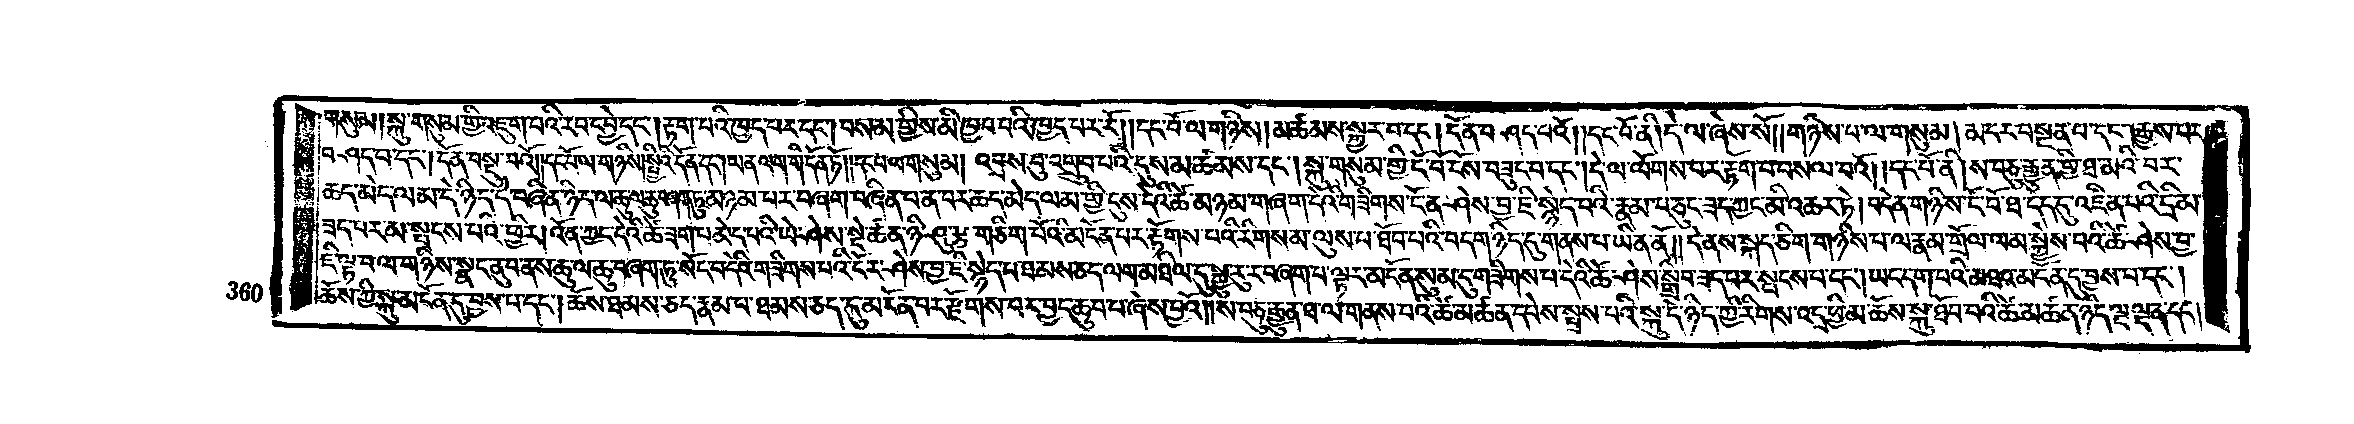གསུམ༑ སྐུ་གསུམ་གྱི་འཇུག་པའི་རབ་དབྱེ་དང་། རྟག་པའི་ཁྱད་པར་དང་། བསམ་གྱིས་མི་ཁྱབ་པའི་ཁྱད་པར་རོ། །དང་པོ་ལ་གཉིས། མཚམས་སྐྱར་བ་དང་། དོན་བཤད་པའོ། །དང་པོ་ནི། དེ་ལ་ཞེས་སོ། །གཉིས་པ་ལ་གསུམ། མདར་བསྔན་པ་དང་། རྒྱས་པར་
བཤད་པ་དང་། དོན་བསྡུ་བའོ། །དང་པོ་ལ་གཉིས། སྤྱིའི་དོན་དང་། ཡན་ལག་གི་དོན་ཏོ། །དང་པོ་ལ་གསུམ། འབྲས་བུ་འགྲུབ་པའི་དུས་མཚམས་དང་། སྐུ་གསུམ་གྱི་ངོ་བོ་ངོས་བཟུང་བ་དང་། དེ་ལ་ལོགས་པར་རྟོག་པ་བསལ་བའོ། །དང་པོ་ནི། ས་བཅུ་རྒྱུན་གྱི་ཐ་མའི་བར་
ཆད་མེད་ལམ་དེ་ཉིད་དེ་བཞིན་ཉིད་ལ་ཆུ་ལ་ཆུ་བཞག་ཏུ་མཉམ་པར་བཞག་བཞིན་པ་ན་བར་ཆད་མེད་ལམ་གྱི་དུས་དེའི་ཚེ་མཉམ་གཞག་དེའི་གཟིགས་ངོ་ན་ཤེས་བྱ་ཇི་སྙེད་པའི་རྣམ་པ་ཅུང་ཟད་ཀྱང་མི་འཆར་ཏེ། བདེན་གཉིས་ངོ་བོ་ཐ་དད་དུ་འཛིན་པའི་དྲི་མ་
ཟད་པར་མ་སྤངས་པའི་ཕྱིར། འོན་ཀྱང་དེའི་ཚེ་ཟག་པ་མེད་པའི་ཡེ་ཤེས་སྡེ་ཚན་ཉི་ཤུ་རྩ་གཅིག་པོའི་མངོན་པར་རྟོགས་པའི་རིགས་མ་ལུས་པ་ཐོབ་པའི་བདག་ཉིད་དུ་གནས་པ་ཡིན་ནོ། །དེ་ནས་སྐད་ཅིག་གཉིས་པ་ལ་རྣམ་གྲོལ་ལམ་སྐྱེས་པའི་ཚེ་ཤེས་བྱ་
ཇི་ལྟ་བ་ལ་གཉིས་སྣང་ནུབ་ནས་ཆུ་ལ་ཆུ་བཞག་ཏུ་སོང་བ་དེའི་གཟིགས་པའི་ངོར་ཤེས་བྱ་ཇི་སྙེད་པ་ཐམས་ཅད་ལག་མཐིལ་དུ་སྐྱུ་རུ་ར་བཞག་པ་ལྟར་མངོན་སུམ་དུ་གཟིགས་པ་དེའི་ཚེ་ཤེས་སྒྲིབ་ཟད་པར་སྤངས་པ་དང་། ཡང་དག་པའི་མཐའ་མངོན་དུ་བྱས་པ་དང་།
ཆོས་ཀྱི་སྐུ་མངོན་དུ་བྱས་པ་དང་། ཆོས་ཐམས་ཅད་རྣམ་པ་ཐམས་ཅད་དུ་མངོན་པར་རྫོགས་པར་བྱང་ཆུབ་པ་ཞེས་བྱའོ། །ས་བཅུ་རྒྱུན་ཐ་ལ་གནས་པའི་ཚེ་མཚན་དཔེས་སྤྲས་པའི་སྐུ་དེ་ཉིད་ཀྱི་རིགས་འདྲ་ཕྱི་མ་ཆོས་སྐུ་ཐོབ་པའི་ཚེ་མཚན་ཉིད་ལྔ་ལྡན་དང་།